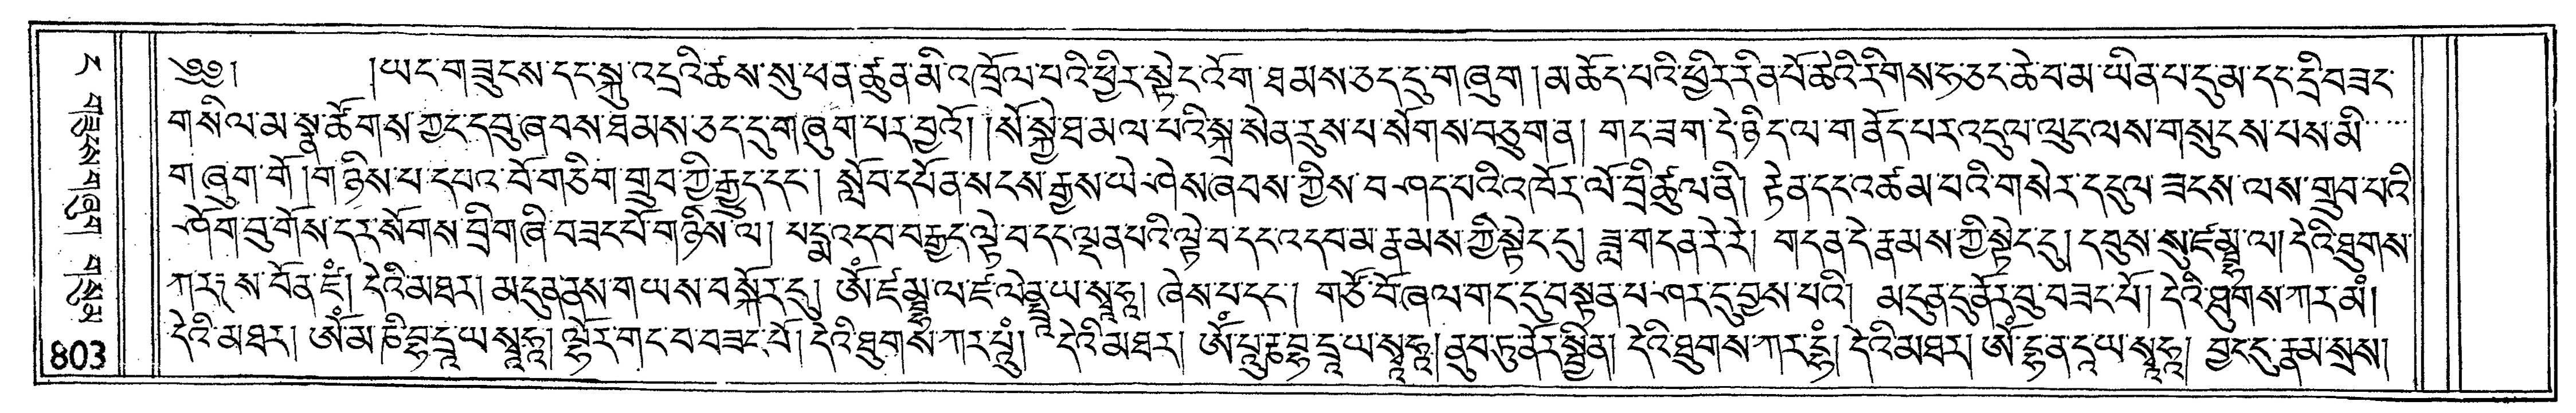༄༅། །ཡང་གཟུངས་དང་སྐུ་འདྲའི་ཚས་སུ་ཕན་ཚུན་མི་འཁྲོལ་པའི་ཕྱིར་སྟེང་འོག་ཐམས་ཅད་དུ་གཞུག །མཆོད་པའི་ཕྱིར་རིན་པོ་ཆེའི་རིགས་ཧ་ཅང་ཆེ་བ་མ་ཡིན་པ་དུ་མ་དང་དྲི་བཟང་
གསིལ་མ་སྣ་ཚོགས་ཀྱང་དབུ་ཞབས་ཐམས་ཅད་དུ་གཞུག་པར་བྱའོ། །སོ་སྐྱེ་ཐ་མལ་པའི་སྐྲ་སེན་རུས་པ་སོགས་བཅུག་ན། གང་ཟག་དེ་ཉིད་ལ་གནོད་པར་འདུལ་ལུང་ལས་གསུངས་པས་མི་
གཞུག་གོ །གཉིས་པ་དཔའ་བོ་གཅིག་གྲུབ་ཀྱི་རྒྱུད་དང་། སློབ་དཔོན་སངས་རྒྱས་ཡེ་ཤེས་ཞབས་ཀྱིས་བཤད་པའི་འཁོར་ལོ་བྲི་ཚུལ་ནི། རྟེན་དང་འཚམ་པའི་གསེར་དངུལ་ཟངས་ལས་གྲུབ་པའི་
ཤོག་བུ་གོས་དར་སོགས་བྲི་གཞི་བཟང་པོ་གཉིས་ལ། པདམ་འདབ་བརྒྱད་ལྟེ་བ་དང་ལྡན་པའི་ལྟེ་བ་དང་འདབ་མ་རྣམས་ཀྱི་སྟེང་དུ། ཟླ་གདན་རེ་རེ། གདན་དེ་རྣམས་ཀྱི་སྟེང་དུ། དབུས་སུ་ཛམྦྷ་ལ། དེའི་ཐུགས་
ཀར༑ ས་བོན་ཛཾ། དེའི་མཐར། མདུན་ནས་གཡས་བསྐོར་དུ། ཨོཾ་ཛམྦྷ་ལ་ཛ་ལེནྡྲཱ་ཡ་སྭཱ་ཧཱ། ཞེས་པ་དང་། གཙོ་བོ་ཞལ་གང་དུ་བསྟན་པ་ཤར་དུ་བྱས་པའི། མདུན་དུ་ནོར་བུ་བཟང་པོ། དེའི་ཐུགས་ཀར་མཾ།
དེའི་མཐར། ཨོཾ་མ་ཎི་བྷ་དྲཱ་ཡ་སྭཱཧཱ། ལྷོར་གང་བ་བཟང་པོ། དེའི་ཐུགས་ཀར་པཱུཾ། དེའི་མཐར། ཨོཾ་པཱུ་རྞ་བྷ་དྲཱ་ཡ་སྭཱཧཱ། ནུབ་ཏུ་ནོར་སྦྱིན། དེའི་ཐུགས་ཀར་དྷཾ། དེའི་མཐར། ཨོཾ་དྷ་ན་དཱ་ཡ་སྭཱཧཱ། བྱང་དུ་རྣམ་སྲས།